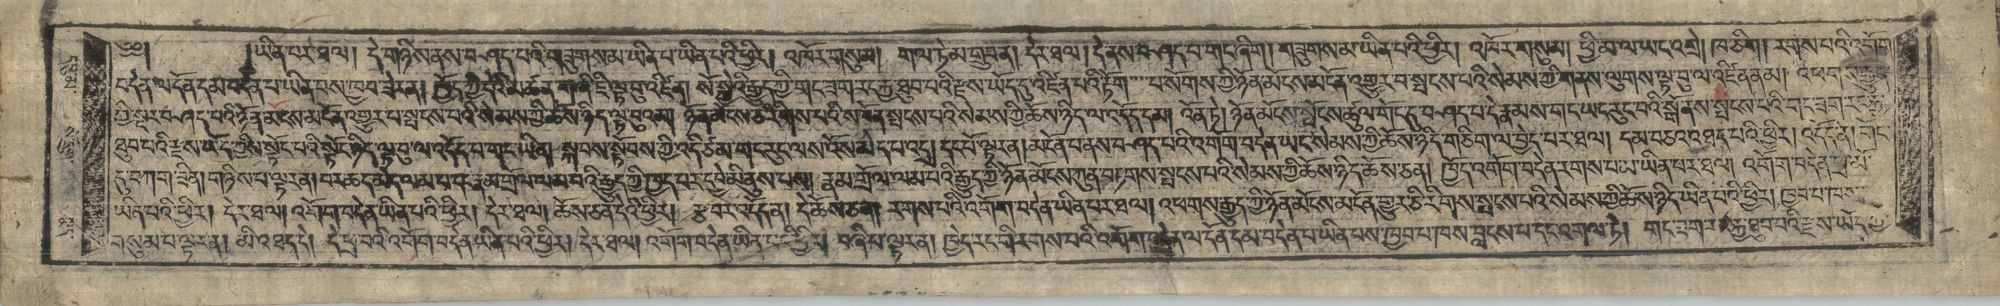༄༅། །ཡིན་པར་ཐལ། དེ་གཉིས་ནས་བཤད་པའི་གཟུགས་མ་ཡིན་པ་ཡིན་པའི་ཕྱིར། འཁོར་གསུམ། གལ་ཏེ་མ་གྲུབ་ན། དེར་ཐལ། དེ་ནས་བཤད་པ་གང་ཞིག །གཟུགས་མ་ཡིན་པའི་ཕྱིར། འཁོར་གསུམ། ཕྱི་མ་ལ་ཡང་འགྲེ། ཁ་ཅིག །རགས་པའི་འགོག་
བདེན་ལ་དོན་དམ་བདེན་པ་ཡིན་པས་ཁྱབ་ཟེར་ན། ཁྱོད་ཀྱི་དེའི་མཚན་གཞི་ཇི་ལྟ་བུ་འཛིན། སོ་སྐྱེའི་རྒྱུད་ཀྱི་གང་ཟག་རང་རྐྱ་ཐུབ་པའི་རྫས་ཡོད་དུ་འཛིན་པའི་རྟོག་པ་སོགས་ཀྱི་ཉོན་མོངས་མངོན་འགྱུར་བ་སྤངས་པའི་སེམས་ཀྱི་གནས་ལུགས་ལྟ་བུ་ལ་འཛིན་ནམ། འཕགས་རྒྱུད་
ཀྱི་སྔར་བཤད་པའི་ཉོན་མོངས་མངོན་འགྱུར་བ་སྤངས་པའི་སེམས་ཀྱི་ཆོས་ཉིད་ལྟ་བུའམ། ཉོན་མོངས་ཅི་རིགས་པའི་ས་བོན་སྤངས་པའི་སེམས་ཀྱི་ཆོས་ཉིད་ལ་འདོད་དམ། འོན་ཏེ། ཉོན་མོངས་སྤོངས་ཚུལ་གོང་དུ་བཤད་པ་དེ་རྣམས་གང་ཡང་རུང་བའི་སྒོ་ནས་སྤངས་པའི་གང་ཟག་རང་རྐྱ་
ཐུབ་པའི་རྫས་ཡོད་ཀྱིས་སྟོང་པའི་སྟོང་ཉིད་ལྟ་བུ་ལ་འདོད་པ་གང་ཡིན། སྐབས་སྟོབས་ཀྱི་འདི་ཙམ་གང་རུང་ལས་འོས་མེད་པ་འདྲ། དང་པོ་ལྟར་ན། མངོན་པ་ནས་བཤད་པའི་འགོག་བདེན་ཡང་སེམས་ཀྱི་ཆོས་ཉིད་གཅིག་ལ་བྱེད་པར་ཐལ། དམ་བཅའ་འཐད་པའི་ཕྱིར། འདོད་ན། གོང་
དུ་བཀག་ཟིན། གཉིས་པ་ལྟར་ན། བར་ཆད་མེད་ལམ་པ་དང་རྣམ་གྲོལ་ལམ་པའི་རྒྱུད་ཀྱི་ཁྱད་པར་དབྱེ་མི་ནུས་པས། རྣམ་གྲོལ་ལམ་པའི་རྒྱུད་ཀྱི་ཉོན་མོངས་ཀུན་བཏགས་སྤངས་པའི་སེམས་ཀྱི་ཆོས་ཉིད་ཆོས་ཅན། ཁྱོད་འགོག་བདེན་རགས་པ་མ་ཡིན་པར་ཐལ། འགོག་བདེན་ཕྲ་མོ་
ཡིན་པའི་ཕྱིར། དེར་ཐལ། འགོག་བདེན་ཡིན་པའི་ཕྱིར། དེར་ཐལ། ཆོས་ཅན་དེའི་ཕྱིར། རྩ་བར་འདོད་ན། དེ་ཆོས་ཅན། རགས་པའི་འགོག་བདེན་ཡིན་པར་ཐལ། འཕགས་རྒྱུད་ཀྱི་ཉོན་མོངས་མངོན་གྱུར་ཅི་རིགས་སྤངས་པའི་སེམས་ཀྱི་ཆོས་ཉིད་ཡིན་པའི་ཕྱིར། ཁྱབ་པ་ཁས།
གསུམ་པ་ལྟར་ན། མི་འཐད་དེ། དེ་ཕྲ་བའི་འགོག་བདེན་ཡིན་པའི་ཕྱིར། དེར་ཐལ། འགོག་བདེན་ཡིན་པའི་ཕྱིར། བཞི་པ་ལྟར་ན། ཁྱེད་རང་གི་རགས་པའི་འགོག་བདེན་ལ་དོན་དམ་བདེན་པ་ཡིན་པས་ཁྱབ་པ་ཁས་བླངས་པ་དང་འགལ་ཏེ། གང་ཟག་རང་རྐྱ་ཐུབ་པའི་རྫས་ཡོད་ཀྱིས་